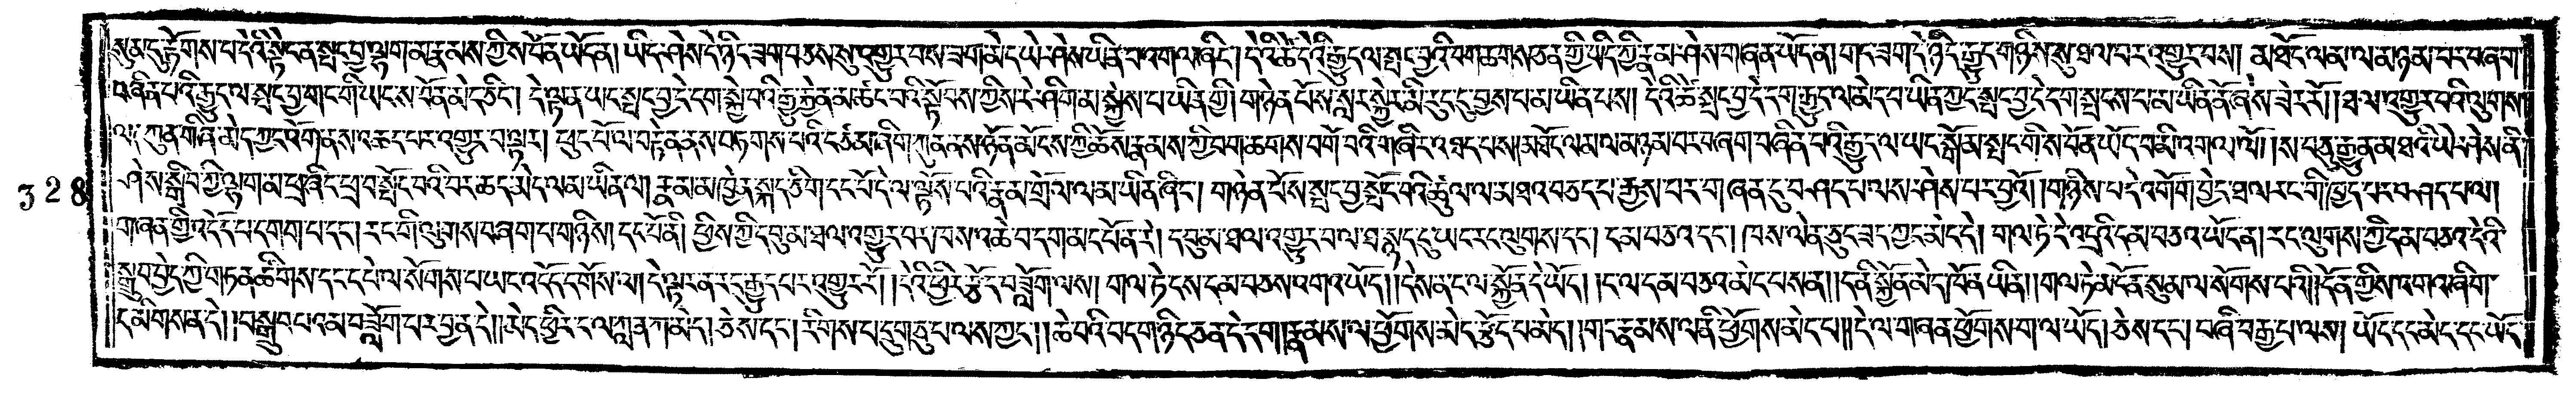སུམ་དུ་རྟོགས་པ་དེའི་སྟེང་ན་སྤང་བྱ་ལྷག་མ་རྣམས་ཀྱི་ས་བོན་ཡོད་ན། ཡིད་ཤེས་དེ་ཉིད་གང་ཟག་བཅས་སུ་འགྱུར་པས་ཟག་མེད་ཡེ་ཤེས་ཡིན་པ་འགལ་ཞིང་། དེའི་ཚེ་དེའི་རྒྱུད་ལ་སྤང་བྱའི་བག་ཆགས་ཅན་གྱི་ཡིད་ཀྱི་རྣམ་ཤེས་གཞན་ཡོད་ན། གང་ཟག་དེ་ཉིད་རྒྱུད་གཉིས་སུ་ཐལ་བར་འགྱུར་བས། མཐོང་ལམ་ལ་མཉམ་པར་བཞག་
བཞིན་པའི་རྒྱུད་ལ་སྤང་བྱ་གང་གི་ཡང་ས་བོན་མེད་ཅིང་། དེ་ལྟ་ན་ཡང་སྤང་བྱ་དེ་དག་སྐྱེ་བའི་རྒྱུ་རྐྱེན་མཚང་བའི་སྟོབས་ཀྱིས་རེ་ཤིག་མ་སྐྱེས་པ་ཡིན་གྱི། གཉེན་པོས་སླར་སྐྱེར་མི་རུང་དུ་བྱས་པ་མ་ཡིན་པས། དེའི་ཚེ་སྤང་བྱ་དེ་དག་རྒྱུད་ལ་མེད་པ་ཡིན་ཀྱང་སྤང་བྱ་དེ་དག་སྤངས་པ་མ་ཡིན་ནོ་ཞེས་ཟེར་རོ། །ཐལ་འགྱུར་བའི་ལུགས་
ལ༑ ཀུན་གཞི་མེད་ཀྱང་འོག་ནས་འཆད་པར་འགྱུར་བ་ལྟར། ཕུང་པོ་ལ་བརྟེན་ནས་བཏགས་པའི་ང་?་ཙམ་ཞིག་ཀུན་ནས་ཉོན་མོངས་ཀྱི་ཆོས་རྣམས་ཀྱི་བག་ཆགས་བགོ་བའི་གཞིར་འཐད་པས། མཐོང་ལམ་ལ་མཉམ་བར་བཞག་བཞིན་པའི་རྒྱུད་ལ་ཡང་སྒོམ་སྤང་གི་ས་བོན་ཡོད་བ་མི་འགལ་ལོ། །ས་བཅུ་རྒྱུན་མཐའི་ཡེ་ཤེས་ནི་
ཤེས་སྒྲིབ་ཀྱི་ལྷག་མ་ཕྲ་ཞིང་ཕྲ་བ་སྤོང་བའི་བར་ཆད་མེད་ལམ་ཡིན་ལ། རྣམ་མཁྱེན་སྐད་ཅིག་དང་པོ་དེ་ལ་ལྟོས་པའི་རྣམ་གྲོལ་ལམ་ཡིན་ཞིང་། གཉེན་པོས་སྤང་བྱ་སྤོང་བའི་ཚུལ་ལམ་མཐའ་བཅད་པ་རྒྱས་པར་གཞན་དུ་བཤད་པ་ལས་ཤེས་པར་བྱའོ། །གཉིས་པ་དེ་འགོག་བྱེད་ཐལ་རང་གི་ཁྱད་པར་བཤད་པ་ལ།
གཞན་གྱི་འདོད་པ་དགག་པ་དང་། རང་གི་ལུགས་བཞག་པ་གཉིས། དང་པོ་ནི། ཕྱིས་ཀྱི་དབུ་མ་ཐལ་འགྱུར་བར་ཁས་འཆེ་བ་དག་མང་པོ་ན་རེ། དབུ་མ་ཐལ་འགྱུར་བ་ལ་ཐ་སྙད་དུ་ཡང་རང་ལུགས་དང་། དམ་བཅའ་དང་། ཁས་ལེན་ཅུང་ཟད་ཀྱང་མེད་དེ། གལ་ཏེ་དེ་འདྲའི་དམ་བཅའ་ཡོད་ན། རང་ལུགས་ཀྱི་དམ་བཅའ་དེའི་
སྒྲུབ་བྱེད་ཀྱི་གཏན་ཚིགས་དང་དཔེལ་སོགས་པ་ཡང་འདོད་དོགས་ལ། དེ་ལྟར་ན་རང་རྒྱུད་པར་འགྱུར་རོ། །དེའི་ཕྱིར་རྩོད་བཟློག་ལས། གལ་ཏེ་ངས་དམ་བཅས་འགའ་ཡོད། །དེས་ན་ང་ལ་སྐྱོན་དེ་ཡོད། །ང་ལ་དམ་བཅའ་མེད་པས་ན། །ད་ནི་སྐྱོན་མེད་ཁོ་ན་ཡིན། །གལ་ཏེ་མངོན་སུམ་ལ་སོགས་པའི། །དོན་གྱིས་འགའ་ཞིག་
དམིགས་ན་དེ། །བསྒྲུབ་པའམ་བཟློག་པར་བྱ་ན་དེ། །མེད་ཕྱིར་ད་ལ་ཀླན་ཀ་མེད། ཅེས་དང་། རིགས་པ་དྲུག་ཅུ་པ་ལས་ཀྱང་། །ཆེ་བའི་བདག་ཉིད་ཅན་དེ་དག །རྣམས་ལ་ཕྱོགས་མེད་རྩོད་པ་མེད། །གང་རྣམས་ལ་ནི་ཕྱོགས་མེད་པ། །དེ་ལ་གཞན་ཕྱོགས་ལ་ཡོད། ཅེས་དང་། བཞི་བརྒྱ་པ་ལས། ཡོད་དང་མེད་དང་ཡོད་